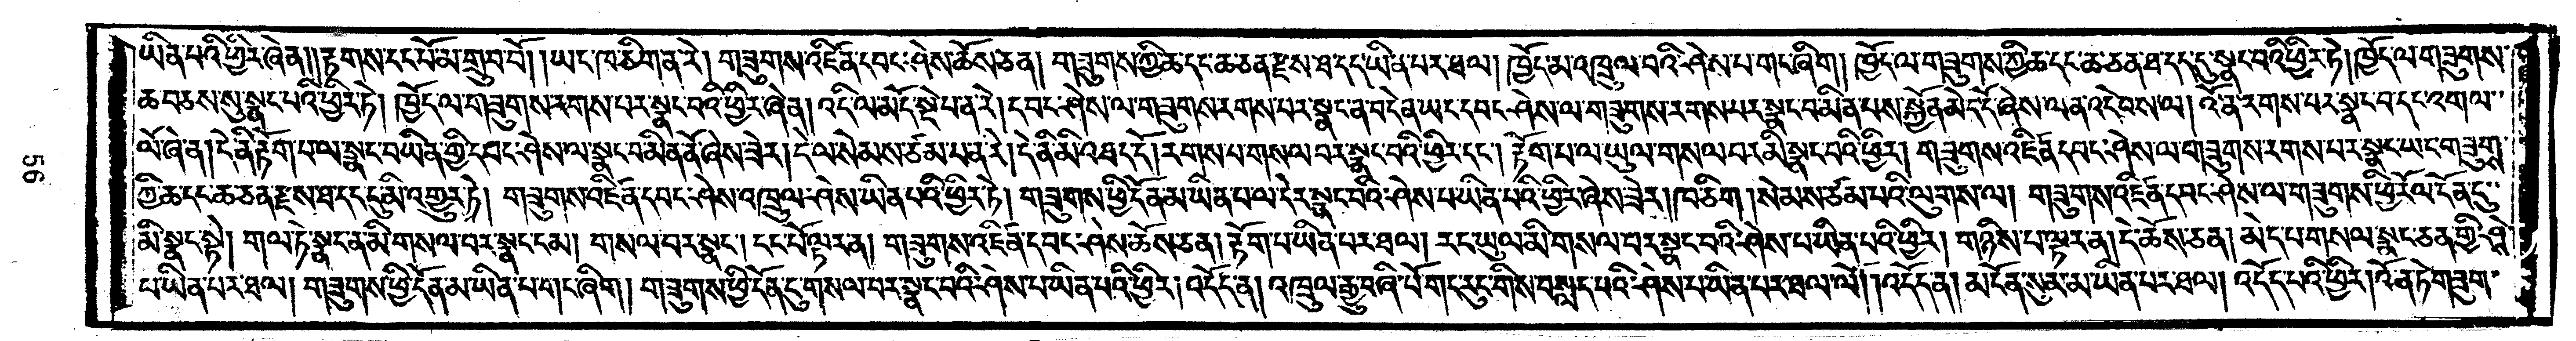ཡིན་པའི་ཕྱིར་ཞེ་ན། རྟགས་དང་པོ་མ་གྲུབ་བོ། །ཡང་ཁ་ཅིག་ན་རེ། གཟུགས་འཛིན་དབང་ཤེས་ཆོས་ཅན། གཟུགས་ཀྱི་ཆ་དང་ཆ་ཅན་རྫས་ཐ་དད་ཡིན་པར་ཐལ། ཁྱོད་མ་འཁྲུལ་བའི་ཤེས་པ་གང་ཞིག །ཁྱོད་ལ་གཟུགས་ཀྱི་ཆ་དང་ཆ་ཅན་ཐ་དད་དུ་སྣང་བའི་ཕྱིར་ཏེ། ཁྱོད་ལ་གཟུགས་
ཆ་བཅས་སུ་སྣང་བའི་ཕྱིར་ཏེ། ཁྱོད་ལ་གཟུགས་རགས་པར་སྣང་བའི་ཕྱིར་ཞེ་ན། འདི་ལ་མདོ་སྡེ་པ་ན་རེ། དབང་ཤེས་ལ་གཟུགས་རགས་པར་སྣང་ན་བདེན་ཡང་དབང་ཤེས་ལ་གཟུགས་རགས་པར་སྣང་བ་མིན་པས་སྐྱོན་མེད་དོ་ཞེས་ལན་འདེབས་ལ། འོ་ན་རགས་པར་སྣང་བ་དང་འགལ་
ལོ་ཞེ་ན། དེ་ནི་རྟོག་པ་ལ་སྣང་བ་ཡིན་གྱི་དབང་ཤེས་ལ་སྣང་བ་མིན་ནོ་ཞེས་ཟེར། དེ་ལ་སེམས་ཙམ་པ་ན་རེ། དེ་ནི་མི་འཐད་དེ། རགས་པ་གསལ་བར་སྣང་བའི་ཕྱིར་དང་། རྟོག་པ་ལ་ཡུལ་གསལ་བར་མི་སྣང་བའི་ཕྱིར། གཟུགས་འཛིན་དབང་ཤེས་ལ་གཟུགས་རགས་པར་སྣང་ཡང་གཟུགས་
ཀྱི་ཆ་དང་ཆ་ཅན་རྫས་ཐ་དད་དུ་མི་འགྱུར་ཏེ། གཟུགས་འཛིན་དབང་ཤེས་འཁྲུལ་ཤེས་ཡིན་པའི་ཕྱིར་ཏེ། གཟུགས་ཕྱི་དོན་མ་ཡིན་པ་ལ་དེར་སྣང་བའི་ཤེས་པ་ཡིན་པའི་ཕྱིར་ཞེས་ཟེར། ཁ་ཅིག །སེམས་ཙམ་པའི་ལུགས་ལ། གཟུགས་འཛིན་དབང་ཤེས་ལ་གཟུགས་ཕྱི་རོལ་དོན་དུ་
མི་སྣང་སྟེ། གལ་ཏེ་སྣང་ན་མི་གསལ་བར་སྣང་ངམ། གསལ་བར་སྣང་། དང་པོ་ལྟར་ན། གཟུགས་འཛིན་དབང་ཤེས་ཆོས་ཅན། རྟོག་པ་ཡིན་པར་ཐལ། རང་ཡུལ་མི་གསལ་བར་སྣང་བའི་ཤེས་པ་ཡིན་པའི་ཕྱིར། གཉིས་པ་ལྟར་ན། དེ་ཆོས་ཅན། མེད་པ་གསལ་སྣང་ཅན་གྱི་ཤེས་
པ་ཡིན་པར་ཐལ། གཟུགས་ཕྱི་དོན་མ་ཡིན་པ་གང་ཞིག །གཟུགས་ཕྱི་དོན་དུ་གསལ་བར་སྣང་བའི་ཤེས་པ་ཡིན་པའི་ཕྱིར། འདོད་ན། འཁྲུལ་རྒྱུ་བཞི་པོ་གང་རུང་གིས་བསླད་པའི་ཤེས་པ་ཡིན་པར་ཐལ་ལོ། །འདོད་ན། མངོན་སུམ་མ་ཡིན་པར་ཐལ། འདོད་པའི་ཕྱིར། འོན་ཏེ་གཟུགས་